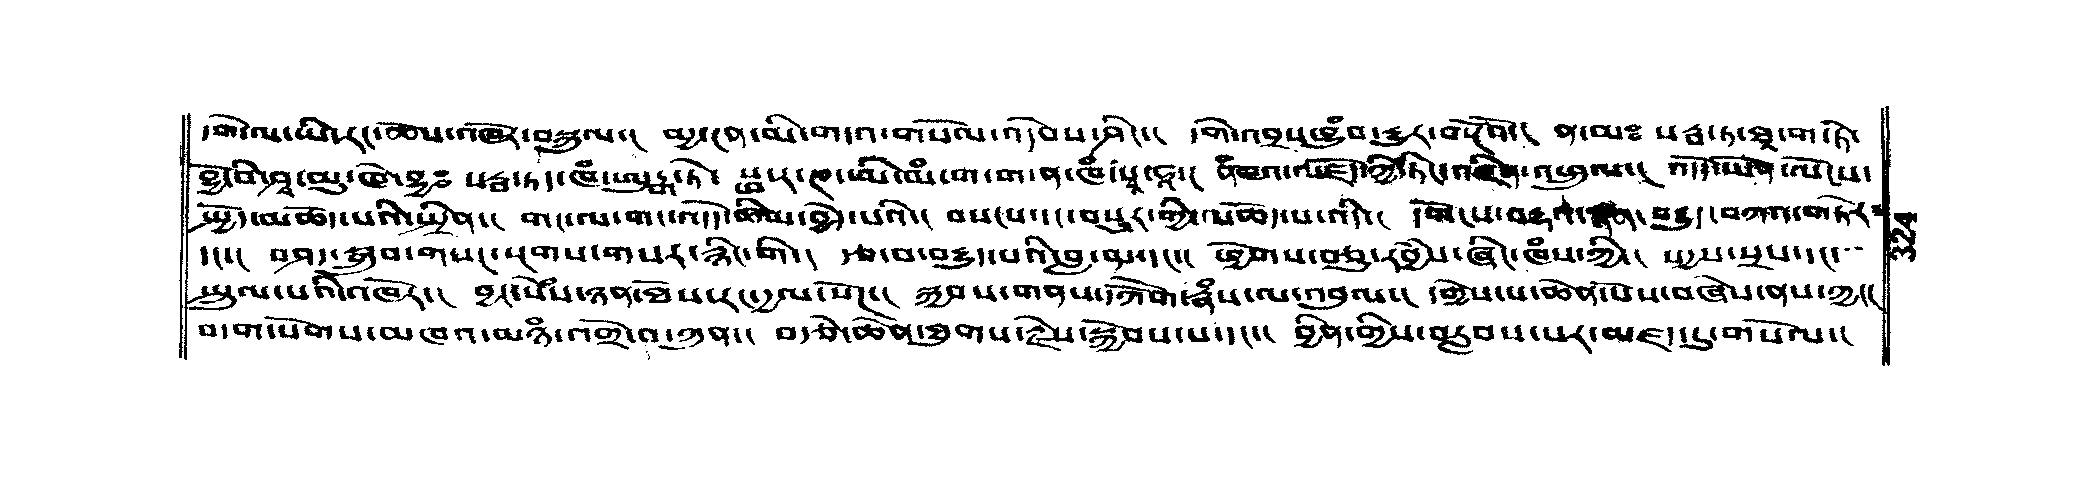དགེ་ལ་ཡི་རང་ཆོས་བསྐོར་བསྐུལ། །མྱ་ངན་མི་འདའ་གསོལ་འདེབས་ཤིང་། །དགེ་འབྲས་བྱང་ཆུབ་རྒྱུར་བསྔོའོ། །ན་མཿ སརྦ་ཏ་ཐཱ་ག་ཏེ་
བྷྱོ་བི་ཤྭ་མུ་ཁེ་བྷྱཿསརྦ་ཏད་ཁཾ་ཨུདྒ་ཏེ་སྥ་ར་ཎ་ཨི་མཾ་ག་ག་ན་ཁཾ་སྭཱ་ཧཱ། ནམ་མཁའ་མཛོད་ཀྱི་ཏིང་འཛིན་འཕྲུལ། །འདོད་ཡོན་ལོངས་
སྤྱོད་མཆོད་པའི་སྤྲིན། །གང་ལ་གང་འདོད་ཚིམ་བྱེད་པའི། །བསངས་དང་བསུར་གྱི་མཆོད་པ་འདི། །དགོངས་བརྡའ་སྙན་བརྒྱུད་བཀའ་གཏེར་
དང་། །བཤད་སྒྲུབ་གསང་སྔགས་གསར་རྙིང་གི་།རྩ་བ་བརྒྱུད་པའི་བླ་མ་དང་། ཕྱོགས་བཅུ་རབ་འབྱམས་ཞིང་ཁམས་ཀྱི། །སངས་རྒྱས་སྲས་དང་
སྤྲུལ་པའི་འཁོར། །བྱང་སེམས་ཉན་ཐོས་རང་རྒྱལ་སོགས། །སྐྱབས་གནས་དཀོན་མཆོག་རྣམས་ལ་འབུལ། །དགྱེས་པ་ཆེན་པོས་བཞེས་ནས་ཀྱང་། །
བདག་སོགས་མཁའ་མཉམ་འགྲོ་བ་ཀུན། །བརྩེ་ཆེན་ཐུགས་རྗེས་སྐྱོབས་པ་དང་། །བྱིན་གྱིས་བརླབས་པར་མཛད་དུ་གསོལ། །